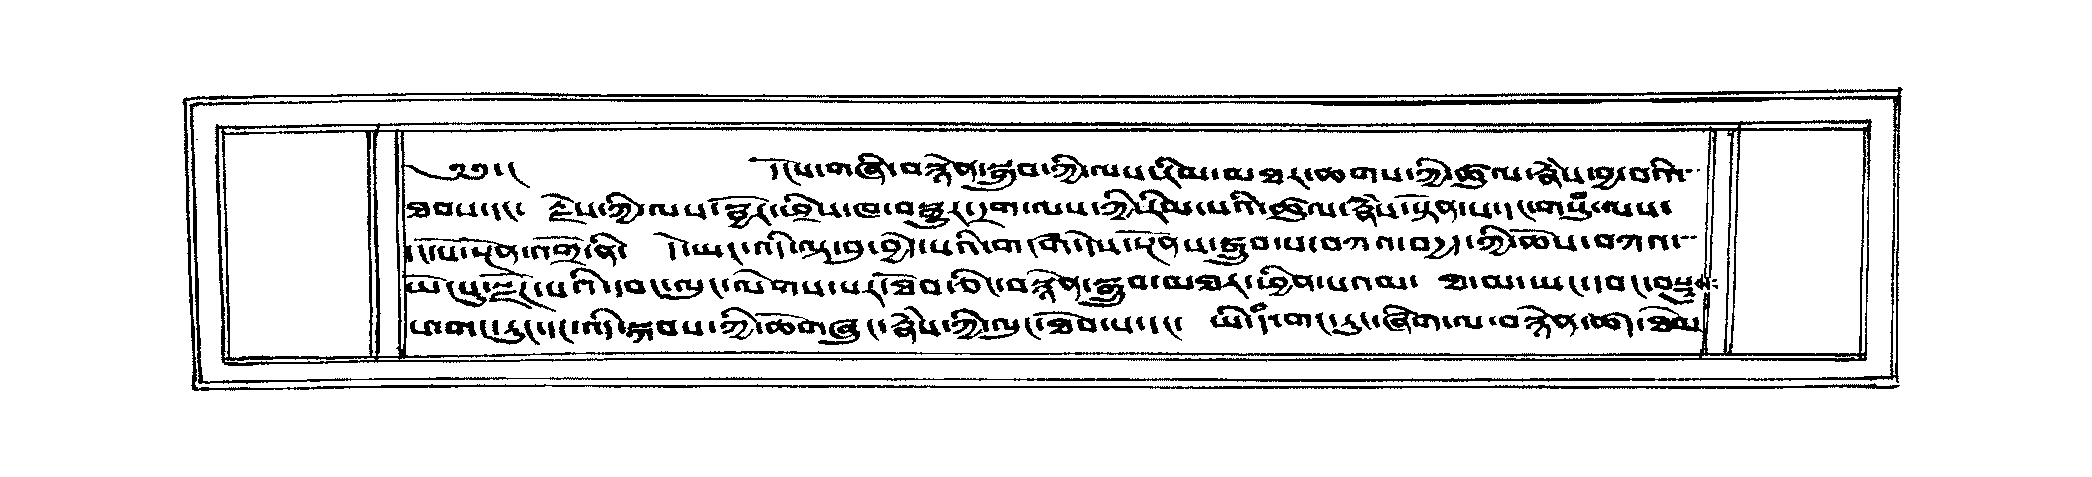དངོས་གཞི་བསྙེན་སྒྲུབ་ཀྱི་ལས་རིམ་མཐར་ཆགས་ཀྱི་ཚུལ་རྣམས་བྱ་བའི་
ཐབས་དང་། རྗེས་ཀྱི་ལས་སྦྱོར་ཕྲིན་ལས་ཁ་བསྒྱུར་དྲག་ལས་ཀྱི་རིམ་པའི་ཚུལ་རྣམས་སྟོན་པ་དང་གསུམ་ལས་
དང་པོ་སྔོན་འགྲོ་ནི། དེ་ཡང་འདི་ལྟ་བུ་བྱེད་པའི་གང་ཟག་དེས་སྔོན་ནས་སྒྲུབ་པ་བཀའ་བརྒྱད་ཀྱི་ཆོས་བཀའ་
ཡོངས་སུ་རྫོགས་པའི་དབང་ལུང་ལེགས་པར་ཐོབ་ཅིང་བསྙེན་སྒྲུབ་མཐར་ཕྱིན་པའམ། ཐ་མ་ཡང་དབང་བསྡུས་
པ་གང་རུང་དང་འདི་སྐབས་ཀྱི་ཆོག་གཞུང་རྣམས་ཀྱི་ལུང་ཐོབ་པ་དང་། ཡི་དམ་གང་རུང་ཞིག་ལ་བསྙེན་ཚད་ཐེམ་